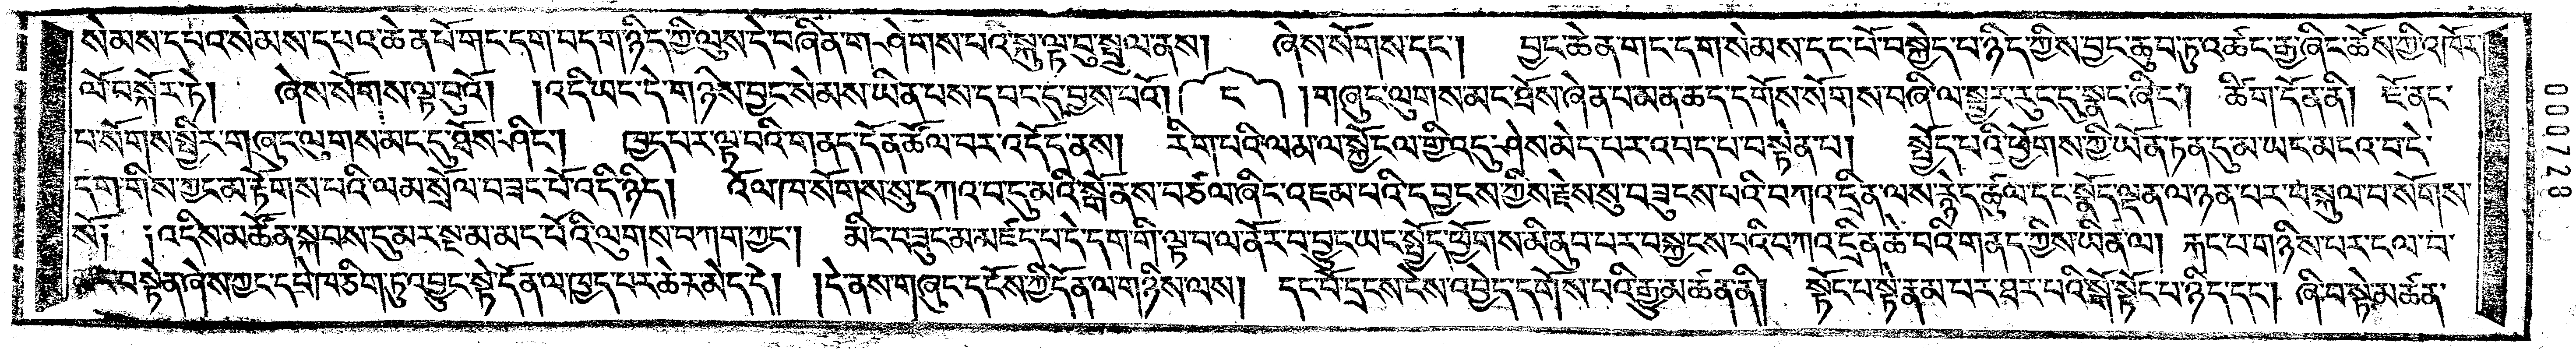སེམས་དཔའ་སེམས་དཔའ་ཆེན་པོ་གང་དག་བདག་ཉིད་ཀྱི་ལུས་དེ་བཞིན་གཤེགས་པའི་སྐུ་ལྟ་བུ་སྤྲུལ་ནས། ཞེས་སོགས་དང་། བྱང་ཆེན་གང་དག་སེམས་དང་པོ་བསྐྱེད་པ་ཉིད་ཀྱིས་བྱང་ཆུབ་ཏུ་འཚང་རྒྱ་ཞིང་ཆོས་ཀྱི་འཁོར་
ལོ་བསྐོར་ཏེ། ཞེས་སོགས་ལྟ་བུའོ། །འདི་ཡང་དེ་གཉིས་བྱང་སེམས་ཡིན་པས་དབང་དུ་བྱས་པའོ། ༼ང༽ །གཞུང་ལུགས་མང་ཐོས་ཞེན་པ་མན་ཆད་དགོས་སོགས་བཞི་ལ་སྦྱར་རུང་དུ་སྣང་ཞིང་། ཚིག་དོན་ནི། ཇོ་ནང་
པ་སོགས་སྤྱིར་གཞུང་ལུགས་མང་དུ་ཐོས་ཤིང་། ཁྱད་པར་ལྟ་བའི་གནད་དོན་ཚོལ་བར་འདོད་ནས། རིག་པའི་ལམ་ལ་སྐྱོ་ངལ་གྱི་འདུ་ཤེས་མེད་པར་འབད་པ་བསྟེན་པ། སྤྱོད་པའི་ཕྱོགས་ཀྱི་ཡོན་ཏན་དུ་མ་ཡང་མངའ་བ་དེ་
དག་གིས་ཀྱང་མ་རྟོགས་པའི་ལམ་སྲོལ་བཟང་པོ་འདི་ཉིད། འོལ་ཁ་སོགས་སུ་དཀའ་བ་དུ་མའི་སྒོ་ནས་བཙལ་ཞིང་འཇམ་པའི་དབྱངས་ཀྱིས་རྗེས་སུ་བཟུངས་པའི་བཀའ་དྲིན་ལས་རྙེད་ཚུལ་དང་སྣོད་ལྡན་ལ་ཉན་པར་བསྐུལ་བ་སོགས་
སོ༑ ༑འདིས་མཚོན་སྐབས་དུ་མར་སྔ་མ་མང་པོའི་ལུགས་བཀག་ཀྱང་། མིང་བཟུང་མ་མཛད་པ་དེ་དག་གི་ལྟ་བ་ལ་ནོར་བ་བྱུང་ཡང་སྤྱོད་ཕྱོགས་མི་ནུབ་པར་བསྐྱངས་པའི་བཀའ་དྲིན་ཆེ་བའི་གནད་ཀྱིས་ཡིན་ལ། རྐང་པ་གཉིས་པར་ངལ་བ་
མང་བསྟེན་ཞེས་ཀྱང་དཔེ་ཁ་ཅིག་ཏུ་འབྱུང་སྟེ་དོན་ལ་ཁྱད་པར་ཆེར་མེད་དེ། །དེ་ནས་གཞུང་དངོས་ཀྱི་དོན་ལ་གཉིས་ལས། དང་པོ་དྲངས་ངེས་འབྱེད་དགོས་པའི་རྒྱུ་མཚན་ནི། སྟོང་པ་སྟེ་རྣམ་པར་ཐར་པའི་སྒོ་སྟོང་པ་ཉིད་དང་། ཞི་བ་སྟེ་མཚན་